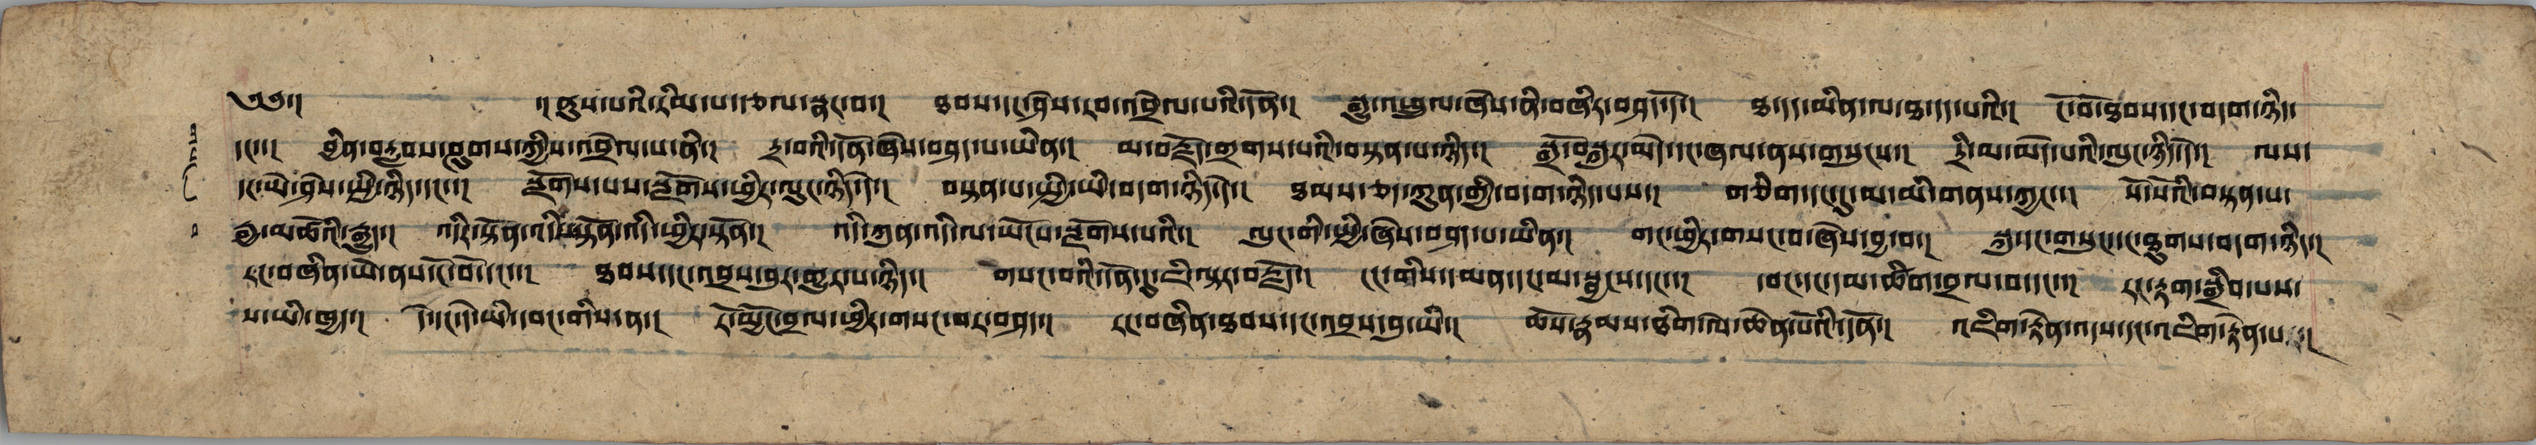༄༅་། ་།ནུས་པའི་རིམ་པ་རྩལ་སྣང་བ་། ཐབས་དང་ཤེས་རབ་འབྲེལ་པའི་དོན་། སྒྱུ་འཕྲུལ་ཞེས་ནི་བཞིར་བཤད་དོ་། ཐ་དད་མིན་ལ་ཐ་དད་པའི་། ངོ་བོ་ཐབས་དང་བདག་ཉིད་
དང་་། བྱིན་བརླབས་ཤུགས་ཀྱིས་འབྲེལ་པ་ནི་། དྲ་བའི་དོན་ཞེས་བཤད་པ་ཡིན་། མ་བརྗོད་གྲགས་པའི་བསྟན་པ་ཉིད་། སྒྲོ་བསྐུར་མེད་དང་ཞལ་ནས་གསུངས་། དྲི་མ་མེད་པའི་ལུང་ཉིད་དེ་། ལས་
དང་ཡེ་ཤེས་སྤྱི་ཉིད་དང་་། སྫོགས་པས་སྫོགས་ཕྱིར་ལུང་ཉིད་དེ་། བསྟན་པ་སྤྱི་ཡི་བདག་ཉིད་དེ་། ཐམས་ཅད་ཀུན་གྱི་བདག་ཉིད་པས་། གཅིག་དང་དུ་མ་མི་གནས་ཀྱང་་། སོ་སོའི་བསྟན་པ་
རྒྱ་མཚོའི་རྒྱུད་། འདིར་སྟོན་འདི་སྟོན་འདི་ཕྱིར་སྟོན་། འདི་ཀུན་འདི་ལ་ཡོངས་སྫོགས་པའི་། ལུང་གི་སྤྱི་ཞེས་བཤད་པ་ཡིན་། གང་ཕྱིར་གསང་བ་ཞེས་བྱ་བ་། སྐུ་དང་གསུང་དང་ཐུགས་བདག་ཉིད་།
རང་བཞིན་ཡེ་ནས་ངོ་བོ་དང་་། ཐབས་དང་འབྲས་བུར་གྱུར་པ་ཉིད་། གསང་བའི་དོན་དུ་ཇི་ལྟར་བརྗོད་། ངང་གིས་དམན་དང་མ་སྦྱངས་དང་་། དབང་དང་དམ་ཚིག་བྲལ་བ་དང་་། རང་རྟག་སྒྲིབ་པས་
ས་ཡི་ཁྱད་། དེ་དང་དེ་ཡི་དབང་གིས་ན་། རོ་མྱོང་བྲལ་ཕྱིར་གསང་བར་བཤད་། རང་བཞིན་ཐབས་དང་འབྲས་བུ་ཡི་། ཆོས་རྣམས་ཐིག་ལེ་ཆེན་པོའི་དོན་། འཇིག་རྟེན་འདས་དང་འཇིག་རྟེན་པ་